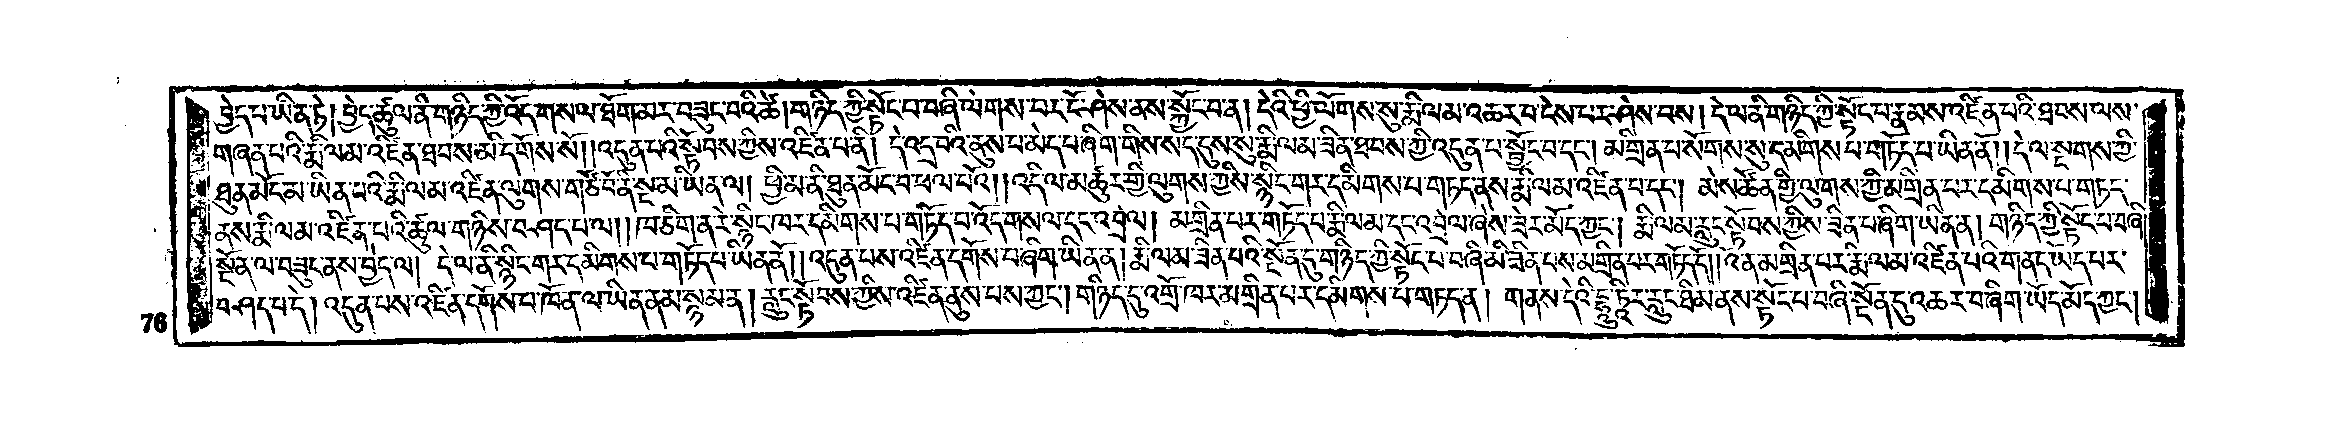བྱེད་པ་ཡིན་ཏེ། བྱེད་ཚུལ་ནི་གཉིད་ཀྱི་འོད་གསལ་ཐོག་མར་བཟུང་བའི་ཚེ། གཉིད་ཀྱི་སྟོང་པ་བཞི་ལེགས་པར་ངོ་ཤེས་ནས་སྐྱོང་བ་ན། དེའི་ཕྱི་ལོགས་སུ་རྨི་ལམ་འཆར་བ་ངེས་པར་ཤེས་པས། དེ་ལ་ནི་གཉིད་ཀྱི་སྟོང་པ་རྣམས་འཛིན་པའི་ཐབས་ལས་
གཞན་པའི་རྨི་ལམ་འཛིན་ཐབས་མི་དགོས་སོ། །འདུན་པའི་སྟོབས་ཀྱིས་འཛིན་པ་ནི། དེ་འདྲ་བའི་ནུས་པ་མེད་པ་ཞིག་གིས་སད་དུས་སུ་རྨི་ལམ་ཟིན་ཐབས་ཀྱི་འདུན་པ་སྦྱོང་བ་དང་། མགྲིན་པ་སོགས་སུ་དམིགས་པ་གཏོད་པ་ཡིན་ནོ། །དེ་ལ་སྔགས་ཀྱི་
ཐུན་མོང་མ་ཡིན་པའི་རྨི་ལམ་འཛིན་ལུགས་གཙོ་བོ་ནི་སྔ་མ་ཡིན་ལ། ཕྱི་མ་ནི་ཐུན་མོང་བ་ཕལ་པའོ། །འདི་ལ་མཚུར་གྱི་ལུགས་ཀྱིས་སྙིང་གར་དམིགས་པ་གཏད་ནས་རྨི་ལམ་འཛིན་པ་དང་། མེས་ཚོན་གྱི་ལུགས་ཀྱི་མགྲིན་པར་དམིགས་པ་གཏད་
ནས་རྨི་ལམ་འཛིན་པའི་ཚུལ་གཉིས་བཤད་པ་ལ། །ཁ་ཅིག་ན་རེ་སྙིང་ཁར་དམིགས་པ་གཏོད་པ་འོད་གསལ་དང་འབྲེལ། མགྲིན་པར་གཏོད་པ་རྨི་ལམ་དང་འབྲེལ་ཞེས་ཟེར་མོད་ཀྱང་། རྨི་ལམ་རླུང་སྟོབས་ཀྱིས་ཟིན་པ་ཞིག་ཡིན་ན། གཉིད་ཀྱི་སྟོང་པ་བཞི་
སྔོན་ལ་བཟུང་ནས་བྱེད་ལ། དེ་ལ་ནི་སྙིང་གར་དམིགས་པ་གཏོད་པ་ཡིན་ནོ། །འདུན་པས་འཛིན་དགོས་པ་ཞིག་ཡིན་ན། རྨི་ལམ་ཟིན་པའི་སྔོན་དུ་གཉིད་ཀྱི་སྟོང་པ་བཞི་མི་ཟིན་པས་མགྲིན་པར་གཏོད་དོ། །འོ་ན་མགྲིན་པར་རྨི་ལམ་འཛིན་པའི་གནད་ཡོད་པར་
བཤད་པ་དེ། འདུན་པས་འཛིན་དགོས་པ་ཁོ་ན་ལ་ཡིན་ནམ་སྙམ་ན། རླུང་སྟོབས་ཀྱིས་འཛིན་ནུས་པས་ཀྱང་། གཉིད་དུ་འགྲོ་ཁར་མགྲིན་པར་དམིགས་པ་གཏད་ན། གནས་དེའི་དྷཱུ་ཏཱིར་རླུང་ཐིམ་ནས་སྟོང་པ་བཞི་སྔོན་དུ་འཆར་བ་ཞིག་ཡོད་མོད་ཀྱང་།